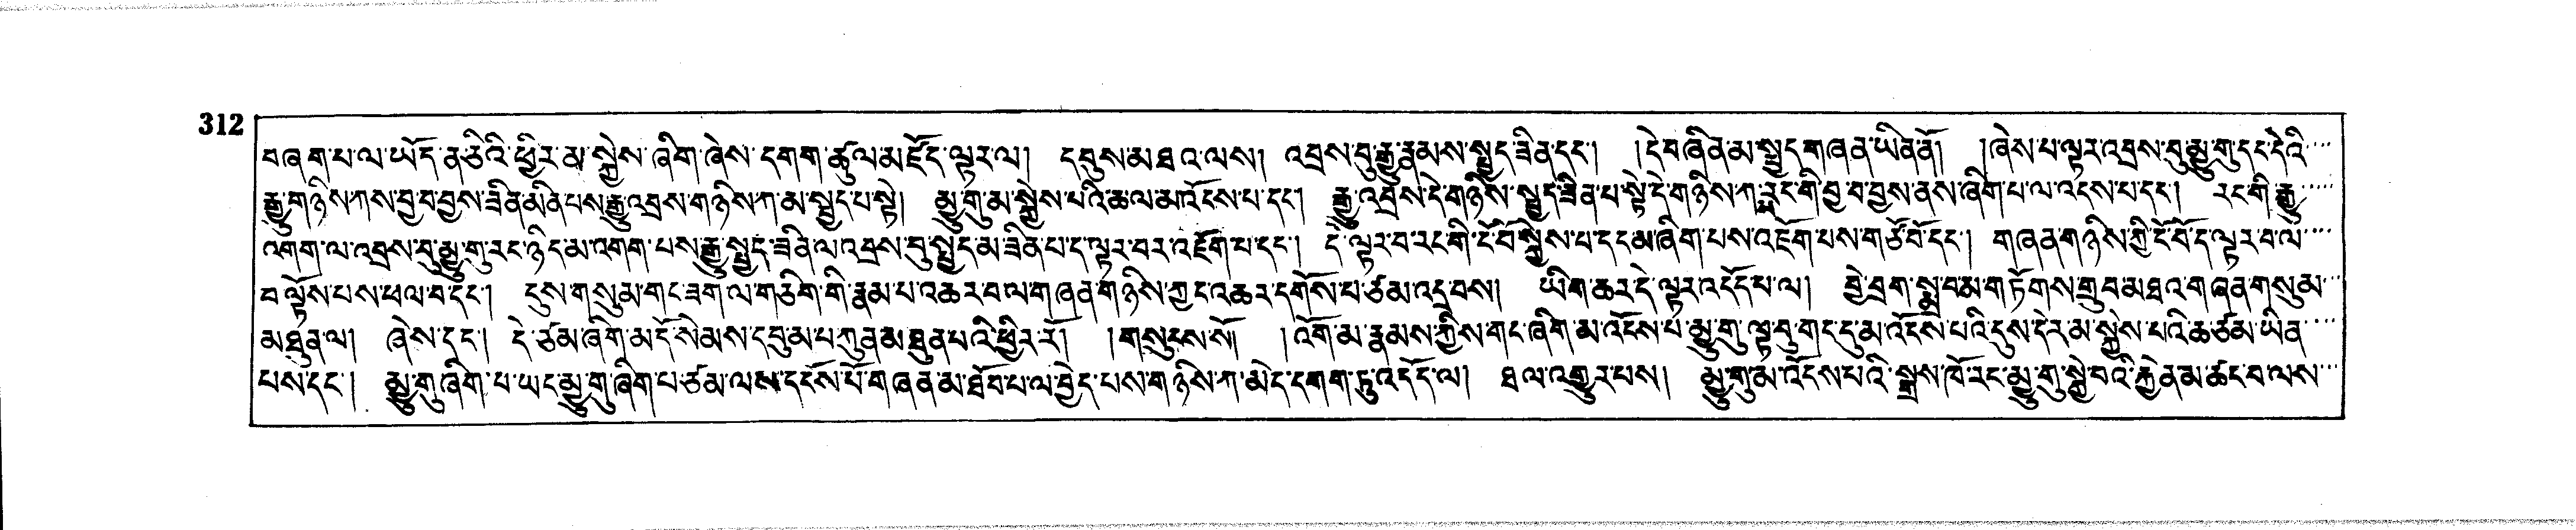བཞག་པ་ལ་ཡོད་ན་ཅིའི་ཕྱིར་མ་སྐྱེས་ཞིག་ཞེས་དགག་ཚུལ་མཛོད་ལྟར་ལ། དབུས་མཐའ་ལས། འབྲས་བུ་རྒྱུ་རྣམས་སྤྱད་ཟིན་དང་། །དེ་བཞིན་མ་སྤྱད་གཞན་ཡིན་ནོ། །ཞེས་པ་ལྟར་འབྲས་བུ་མྱུ་གུ་དང་དེའི་
རྒྱུ་གཉིས་ཀས་བྱ་བ་བྱས་ཟིན་མིན་པས་རྒྱུ་འབྲས་གཉིས་ཀ་མ་སྤྱད་པ་སྟེ། མྱུ་གུ་མ་སྐྱེས་པའི་ཆ་ལ་མ་འོངས་པ་དང་། རྒྱུ་འབྲས་དེ་གཉིས་སྤྱད་ཟིན་པ་སྟེ་དེ་གཉིས་ཀ་མ་རང་གི་བྱ་བ་བྱས་ནས་ཞིག་པ་ལ་འདས་པ་དང་། རང་གི་རྒྱུ་
འགག་ལ་འབྲས་བུ་མྱུ་གུ་རང་ཉིད་མ་འགག་པས་རྒྱུ་སྤྱད་ཟིན་ལ་འབྲས་བུ་སྤྱད་མ་ཟིན་པ་ད་ལྟར་བར་འཇོག་པ་དང་། དེ་ལྟར་བ་རང་གི་ངོ་བོ་སྐྱེས་པ་དང་མ་ཞིག་པས་འཇོག་པས་གཙོ་བོ་དང་། གཞན་གཉིས་ཀྱི་ངོ་བོ་ད་ལྟར་བ་ལ་
བལྟོས་པས་ཕལ་བ་དང་། དུས་གསུམ་གང་ཟག་ལ་གཅིག་གི་རྣམ་པ་འཆར་བ་ལ་གཞན་གཉིས་ཀྱང་འཆར་དགོས་པ་ཙམ་འདྲ་བས། ཡིག་ཆར་དེ་ལྟར་འདོད་པ་ལ། བྱེ་བྲག་སྨྲ་བ་མ་གཏོགས་གྲུབ་མཐའ་གཞན་གསུམ་
མཐུན་ལ། ཞེས་དང་། དེ་ཙམ་ཞིག་མདོ་སེམས་དབུ་མ་པ་ཀུན་མཐུན་པའི་ཕྱིར་རོ། །གསུངས་སོ། །འོག་མ་རྣམས་ཀྱིས་གང་ཞིག་མ་འོངས་པ་མྱུ་གུ་ལྟ་བུ་གང་དུ་མ་འོངས་པའི་དུས་དེར་མ་སྐྱེས་པའི་ཆ་ཙམ་ཡིན་
པས་དང་། མྱུ་གུ་ཞིག་པ་ཡང་མྱུ་གུ་ཞིག་པ་ཙམ་ལས་དངོས་པོ་གཞན་མ་ཐོབ་པ་ལ་བྱེད་པས་གཉིས་ཀ་མེད་དགག་ཏུ་འདོད་ལ། ཐལ་འགྱུར་པས། མྱུ་གུ་མ་འོངས་པའི་སྒྲས་ཁོ་རང་མྱུ་གུ་སྐྱེ་བའི་རྐྱེན་མ་ཚང་བ་ལས་